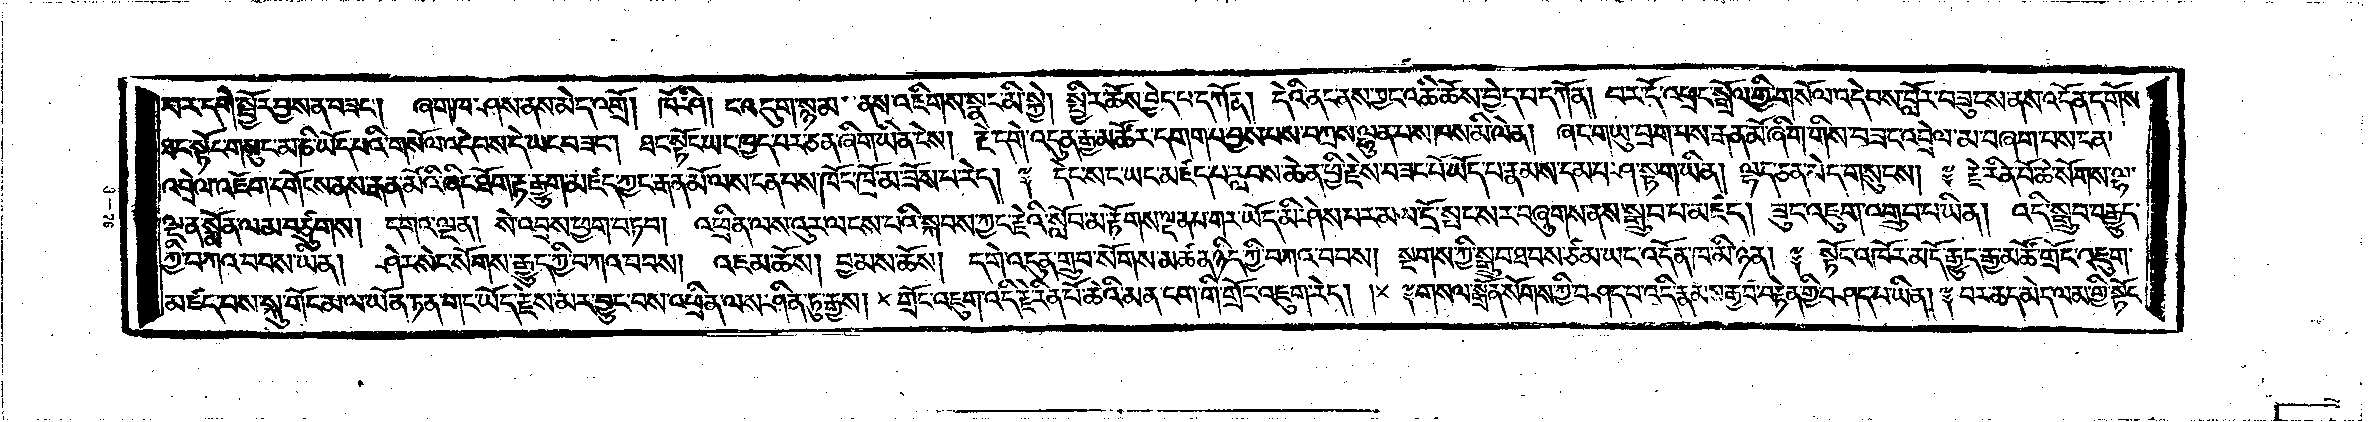པར་དགེ་སྦྱོར་བྱས་ན་བཟང་། ཞག་ཁ་ཤས་ནས་མེད་འགྲོ། ཁོ་ཤི། ང་འདུག་སྙམ་ནས་འཇིགས་སྣང་མི་སྐྱེ། སྤྱིར་ཆོས་བྱེད་པ་དཀོན། དེའི་ནང་ནས་ཀྱང་འཆི་ཆོས་བྱེད་པ་དཀོན། བར་དོ་འཕྲིང་སྒྲོལ་གྱི་གསོལ་འདེབས་བློར་བཟུངས་ནས་འདོན་དགོས་
ཐང་སྟོང་གསུང་མ་ཎི་ཡོད་པའི་གསོལ་འདེབས་དེ་ཡང་བཟང་། ཐང་སྟོངས་ཡང་ཁྱད་པར་ཅན་ཞིག་ཡིན་ངེས། རྔེ་དགེ་འདུན་རྒྱ་མཚོར་དགག་པ་བྱས་པས་བཀྲས་ལྷུན་པས་ཁས་མི་ལེན། ཞང་གཡུ་བྲག་པས་རྒན་མོ་ཞིག་གིས་བཟང་འབྲེལ་མ་བཞག་པས་ངན་
འབྲེལ་འཇོག་དགོངས་ནས་རྒན་མོའི་ཞིང་ཐོག་རྟ་རྒྱུག་མཛད་ཀྱང་རྒན་མོ་ལས་ངན་པས་ཁོང་ཁྲོ་མ་ཟོས་པ་རེད། ༈ དེང་སང་ཡང་མཛད་པ་རླབས་ཆེན་ཕྱི་རྗེས་བཟང་པོ་ཡོད་པ་རྣམས་དམ་པ་ཤ་སྟག་ཡིན། ལྷད་ཅན་མེད་གསུངས། ༈ རྗེ་རིན་པོ་ཆེ་སོགས་ལྷ་
ལྡན་སྨོན་ལམ་བཙུགས། དགའ་ལྡན། སེ་འབྲས་ཕྱག་བཏབ། འཕྲིན་ལས་འུར་ལངས་པའི་སྐབས་ཀྱང་རྗེའི་སློབ་མ་རྟོགས་ལྡན་པ་གྲ་ཡོད་མི་ཤེས་པར་མལ་དྲོ་སྤང་སར་བཞུགས་ནས་སྒྲུབ་པ་མཛད། ཟུང་འཇུག་འགྲུབ་པ་ཡིན། འདི་སྒྲུབ་བརྒྱུད་
ཀྱི་བཀའ་བབས་ཡིན། ཤེར་སེང་སོགས་རྒྱུད་ཀྱི་བཀའ་བབས། འཇམ་ཆོས། བྱམས་ཆོས། དགེ་འདུན་གྲུབ་སོགས་མཚན་ཉིད་ཀྱི་བཀའ་བབས། སྔགས་ཀྱི་སྒྲུབ་ཐབས་ཙམ་ཡང་འདོན་ཁ་མི་ཉན། ༈ སྟོང་འཁོར་མདོ་རྒྱུད་རྒྱ་མཚོ་གྲོང་འཇུག་
མཛད་པས་སྐུ་གོང་མ་ལ་ཡོན་ཏན་གང་ཡོད་རྗེས་མར་བྱུང་བས་འཕྲིན་ལས་ཤིན་ཏུ་རྒྱས། ྾་གྲོང་འཇུག་འདི་རྗེ་རིན་པོ་ཆེའི་མན་ངག་གི་གྲོང་འཇུག་རེད། །྾་༈ གསལ་སྒྲོན་སོགས་ཀྱི་བཤད་པ་འདི་རྣམས་རྒྱབ་བརྟེན་གྱི་བཤད་པ་ཡིན། ༈ བར་ཆད་མེད་ལམ་གྱི་སྟོང་